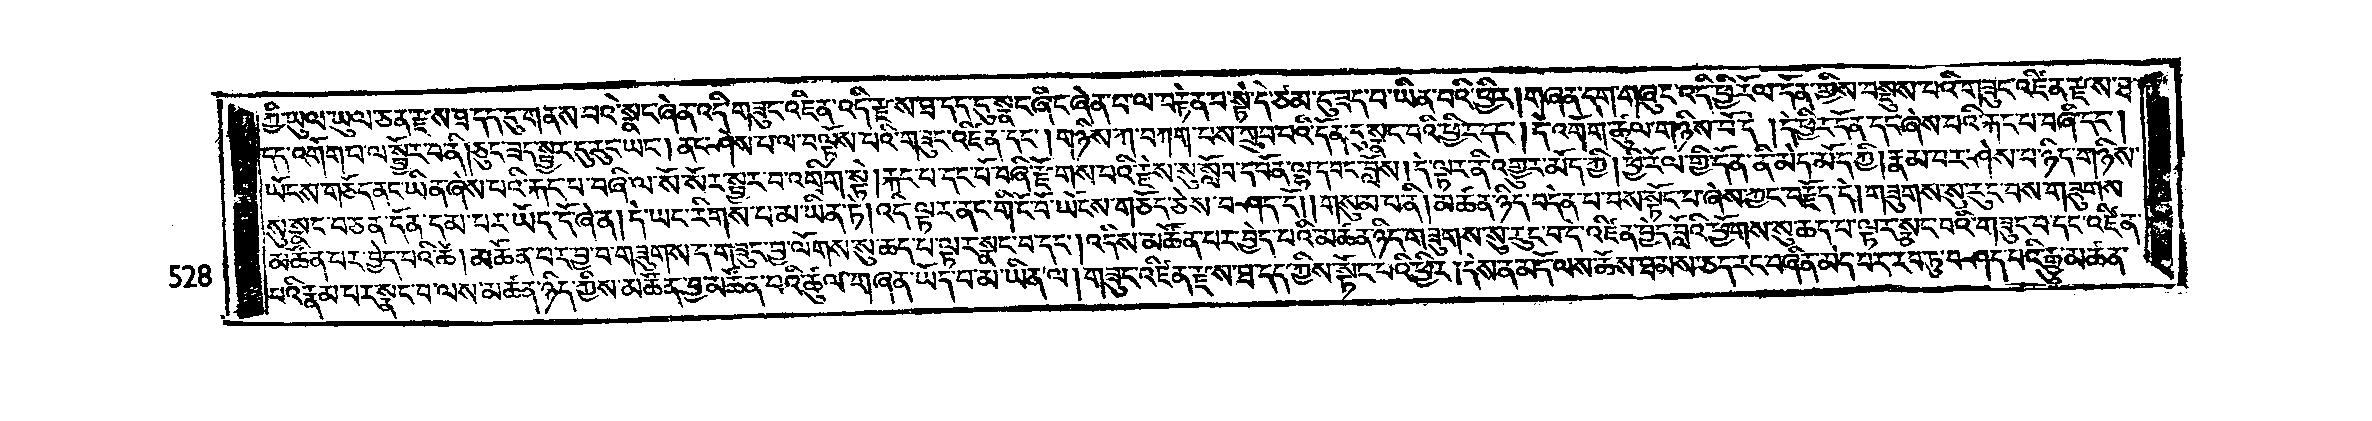ཀྱི་ཡུལ་ཡུལ་ཅན་རྫས་ཐ་དད་དུ་གནས་པའི་སྣང་ཞེན་འདི་གཟུང་འཛིན་འདི་རྫས་ཐ་དད་དུ་སྣང་ཞིང་ཞེན་པ་ལ་བརྟེན་པ་སྟེ་དེ་ཙམ་དུ་ཟད་པ་ཡིན་པའི་ཕྱིར། གཞན་དག་གཞུང་འདི་ཕྱི་རོལ་དོན་གྱིས་བསྡུས་པའི་གཟུང་འཛིན་རྫས་ཐ་
དད་འགོག་པ་ལ་སྦྱོར་བ་ནི། ཅུང་ཟད་སྦྱར་དུ་རུང་ཡང་། ནང་ཤེས་པ་ལ་བལྟོས་པའི་གཟུང་འཛིན་དང་། གཉིས་ཀ་བཀག་པས་གྲུབ་པའི་དོན་དུ་སྣང་བའི་ཕྱིར་དང་། དེ་འགོག་ཚུལ་གཉིས་པོ་དེ་།དེ་ཕྱིར་དོན་དང་ཞེས་པའི་རྐང་པ་བཞི་དང་།
ཡོངས་གཅོད་ནང་ཡིན་ཞེས་པའི་རྐང་པ་བཞི་ལ་སོ་སོར་སྦྱར་བ་འགྲིག་སྟེ། རྐང་པ་དང་པོ་བཞི་རྫོགས་པའི་རྗེས་སུ་སློབ་དཔོན་ལྷ་དབང་བློས། དེ་ལྟར་ནི་འགྱུར་མོད་ཀྱི། ཕྱི་རོལ་གྱི་དོན་ནི་མེད་མོད་ཀྱི། རྣམ་པར་ཤེས་པ་ཉིད་གཉིས་
སུ་སྣང་བ་ཅན་དོན་དམ་པར་ཡོད་དོ་ཞེ་ན། དེ་ཡང་རིགས་པ་མ་ཡིན་ཏེ། འདི་ལྟར་ནང་གི་ངོ་བོ་ཡོངས་གཅོད་ཅེས་བཤད་དོ། །གསུམ་པ་ནི། མཚན་ཉིད་བདེན་པ་བས་སྟོང་པ་ཞེས་ཀྱང་བརྗོད་དེ། གཟུགས་སུ་རུང་བས་གཟུགས་
མཚོན་པར་བྱེད་པའི་ཚེ། མཚོན་པར་བྱ་བ་གཟུགས་དེ་གཟུང་བྱ་ལོགས་སུ་ཆད་པ་ལྟར་སྣང་བ་དང་། འདིས་མཚོན་པར་བྱེད་པའི་མཚན་ཉིད་གཟུགས་སུ་རུང་བ་དེ་འཛིན་བྱེད་བློའི་ཕྱོགས་སུ་ཆད་པ་ལྟར་སྣང་བའི་གཟུང་བ་དང་འཛིན་
པའི་རྣམ་པར་སྣང་བ་ལས་མཚན་ཉིད་ཀྱིས་མཚོན་བྱ་མཚོན་པའི་ཚུལ་གཞན་ཡོད་པ་མ་ཡིན་ལ། གཟུང་འཛིན་རྫས་ཐ་དད་ཀྱིས་སྟོང་པའི་ཕྱིར། དེས་ན་མདོ་ལས་ཆོས་ཐམས་ཅད་རང་བཞིན་མེད་པར་རབ་ཏུ་བཤད་པའི་རྒྱུ་མཚན་